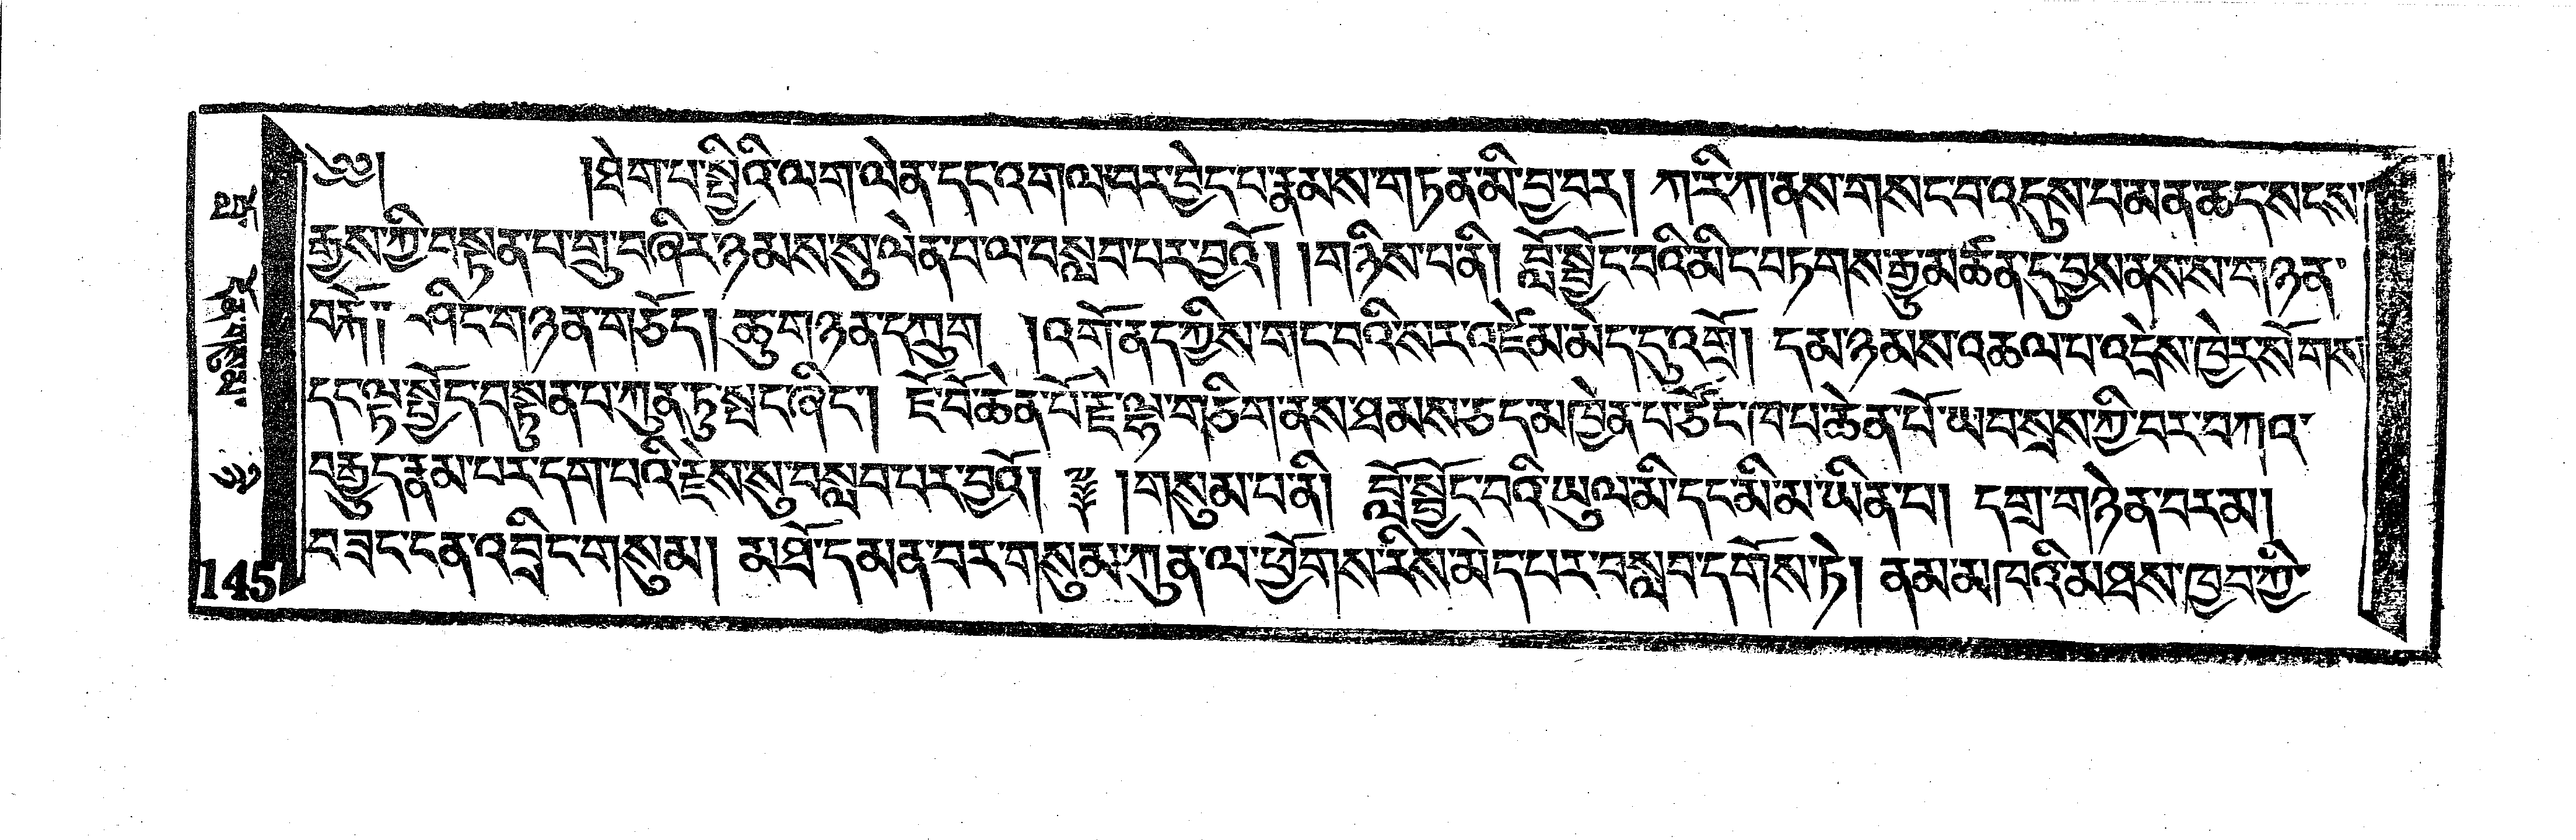༄༅། །ཐེག་པ་སྤྱིའི་ལག་ལེན་དང་འགལ་བར་བྱེད་པ་རྣམས་གཏན་མི་བྱ་བར། ཀ་རི་ཀ་ནས་གསང་བ་འདུས་པ་མན་ཆད་སངས་
རྒྱས་ཀྱི་བསྟན་པ་གྲུ་བཞིར་ཉམས་སུ་ལེན་པ་ལ་བསླབ་པར་བྱའོ། །གཉིས་པ་ནི། བློ་སྦྱོང་བའི་མིང་བཏགས་རྒྱུ་མཚན་དུ་བྱས་ནས་ས་གཉན་
བརྐོ༑ ཤིང་གཉན་གཅོད། ཆུ་གཉན་དཀྲུག །འགོ་ནད་ཀྱིས་གང་བའི་སར་འཛེམ་མེད་དུ་འགྲོ། དམ་ཉམས་འཆལ་པ་འདྲེས་ཁྱེར་སོགས་
དང་ལྟ་སྤྱོད་བསྟུན་པ་ཀུན་ཏུ་སྤང་ཞིང་། ཇོ་བོ་ཆེན་པོ་རྗེ་ལྷ་གཅིག་ནས་ཐམས་ཅད་མཁྱེན་པ་ཙོང་ཁ་པ་ཆེན་པོ་ཡབ་སྲས་ཀྱི་བར་བཀའ་
བརྒྱུད་རྣམ་པར་དག་པའི་རྗེས་སུ་བསླབ་པར་བྱའོ། ༈ །གསུམ་པ་ནི། བློ་སྦྱོང་བའི་ཡུལ་མི་དང་མི་མ་ཡིན་པ། དགྲ་གཉེན་བར་མ།
བཟང་ངན་འབྲིང་གསུམ། མཐོ་དམན་བར་གསུམ་ཀུན་ལ་ཕྱོགས་རིས་མེད་པར་བསླབ་དགོས་ཏེ། ནམ་མཁའི་མཐས་ཁྱབ་ཀྱི་